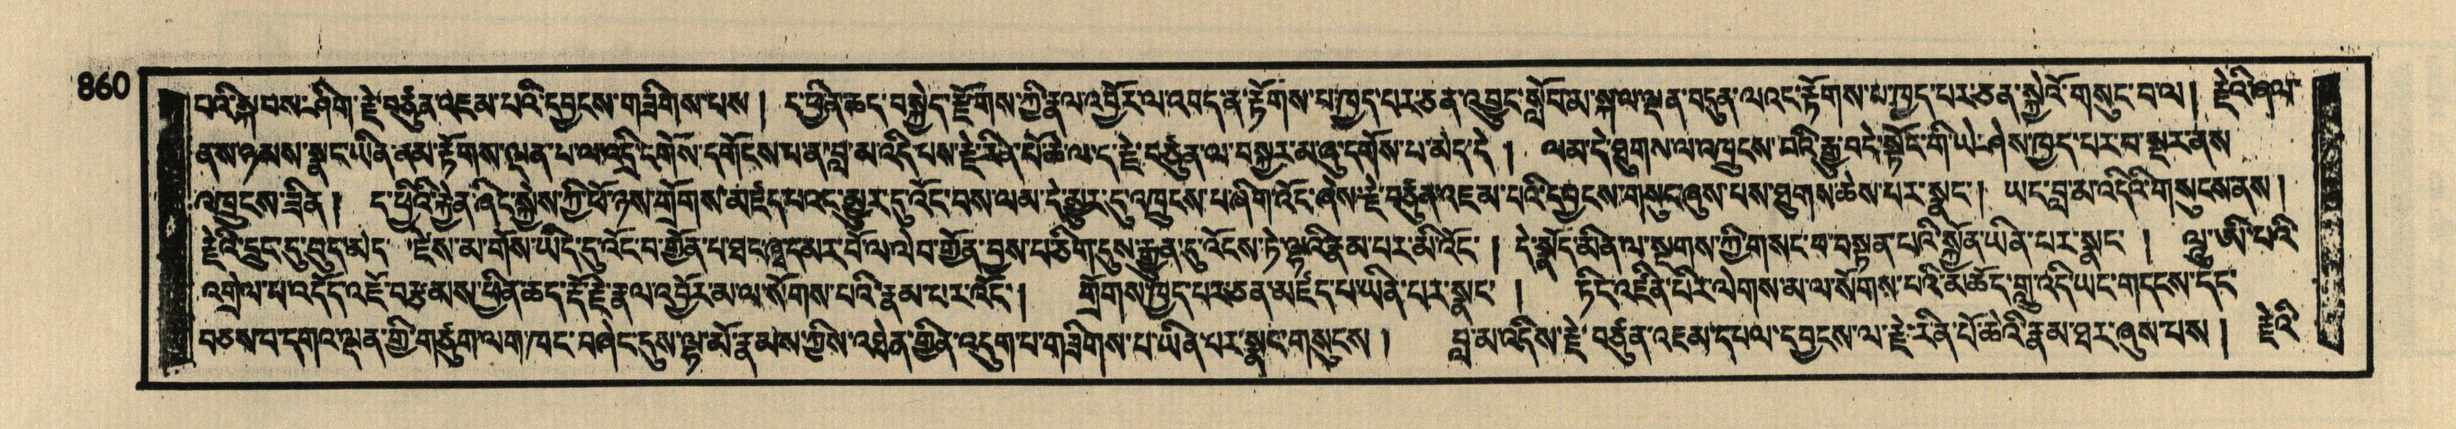པའི་སྐབས་ཤིག་རྗེ་བཙུན་འཇམ་པའི་དབྱངས་གཟིགས་པས། ད་ཕྱིན་ཆད་བསྐྱེད་རྫོགས་ཀྱི་རྣལ་འབྱོར་ལ་འབད་ན་རྟོགས་པ་ཁྱད་པར་ཅན་འབྱུང་སློབ་མ་སྐལ་ལྡན་བདུན་ལའང་རྟོགས་པ་ཁྱད་པར་ཅན་སྐྱེའོ་གསུང་བ་ལ། རྗེའི་ཞལ་
ནས་ཉམས་སྣང་ཡིན་ནམ་རྟོགས་ལྡན་པ་ལ་འདྲི་དགོས་དགོངས་པ་ན་བླ་མ་འདི་པས་རྗེ་རིན་པོ་ཆེ་ལ་ད་རྗེ་བཙུན་ལ་བསྐྱར་མ་ཞུ་དགོས་པ་མེད་དེ། ལམ་དེ་ཐུགས་ལ་འཁྲུངས་པའི་རྒྱུ་བདེ་སྟོང་གི་ཡེ་ཤེས་ཁྱད་པར་བ་སྔར་ནས་
འཁྲུངས་ཟིན། ད་ཕྱིའི་རྐྱེན་ཞིང་སྐྱེས་ཀྱི་ཕོ་ཉས་གྲོགས་མཛད་པའང་མྱུར་དུ་འོང་བས་ལམ་དེ་མྱུར་དུ་འཁྲུངས་པ་ཞིག་འོང་ཞེས་རྗེ་བཙུན་འཇམ་པའི་དབྱངས་གསུང་ཞུས་པས་ཐུགས་ཆེས་པར་སྣང་། ཡང་བླ་མའི་འདིའི་གསུངས་ནས།
རྗེའི་དྲུང་དུ་བུད་མེད། །ཛེས་མ་གོས་ཡིད་དུ་འོང་བ་གྱོན་པ་ཐང་ཞྭ་དམར་བོ་ལ་ལེབ་གྱོན་བྱས་པ་ཅིག་དུས་རྒྱན་དུ་འོངས་ཏེ་ལྷའི་རྣམ་པར་མི་འོང་། དེ་སྣོད་མིན་ལ་སྔགས་ཀྱི་གསང་བ་བསྟན་པའི་སྐྱོན་ཡིན་པར་སྣང་། ལཱུ་ཨི་པའི་
འགྲེལ་པ་འདོད་འཇོ་བརྩམས་ཕྱིན་ཆད་རྡོ་རྗེ་རྣལ་འབྱོར་མ་ལ་སོགས་པའི་རྣམ་པར་འོང་། གྲོགས་ཁྱད་པར་ཅན་མཛད་པ་ཡིན་པར་སྣང་། ཏིང་འཛིན་པིར་ལེགས་མ་ལ་སོགས་པའི་མཆོད་གླུ་འདི་ཡང་གདངས་དང་
བཅས་བ་དགའ་ལྡན་གྱི་གཙུག་ལག་ཁང་བཞེང་དུས་ལྷ་མོ་རྣམས་ཀྱིས་འཐེན་གྱིན་འདུག་པ་གཟིགས་པ་ཡིན་པར་སྣང་གསུངས། བླ་མ་འདིས་རྗེ་བཙུན་འཇམ་དཔལ་དབྱངས་ལ་རྗེ་རིན་པོ་ཆེའི་རྣམ་ཐར་ཞུས་པས། རྗེའི་